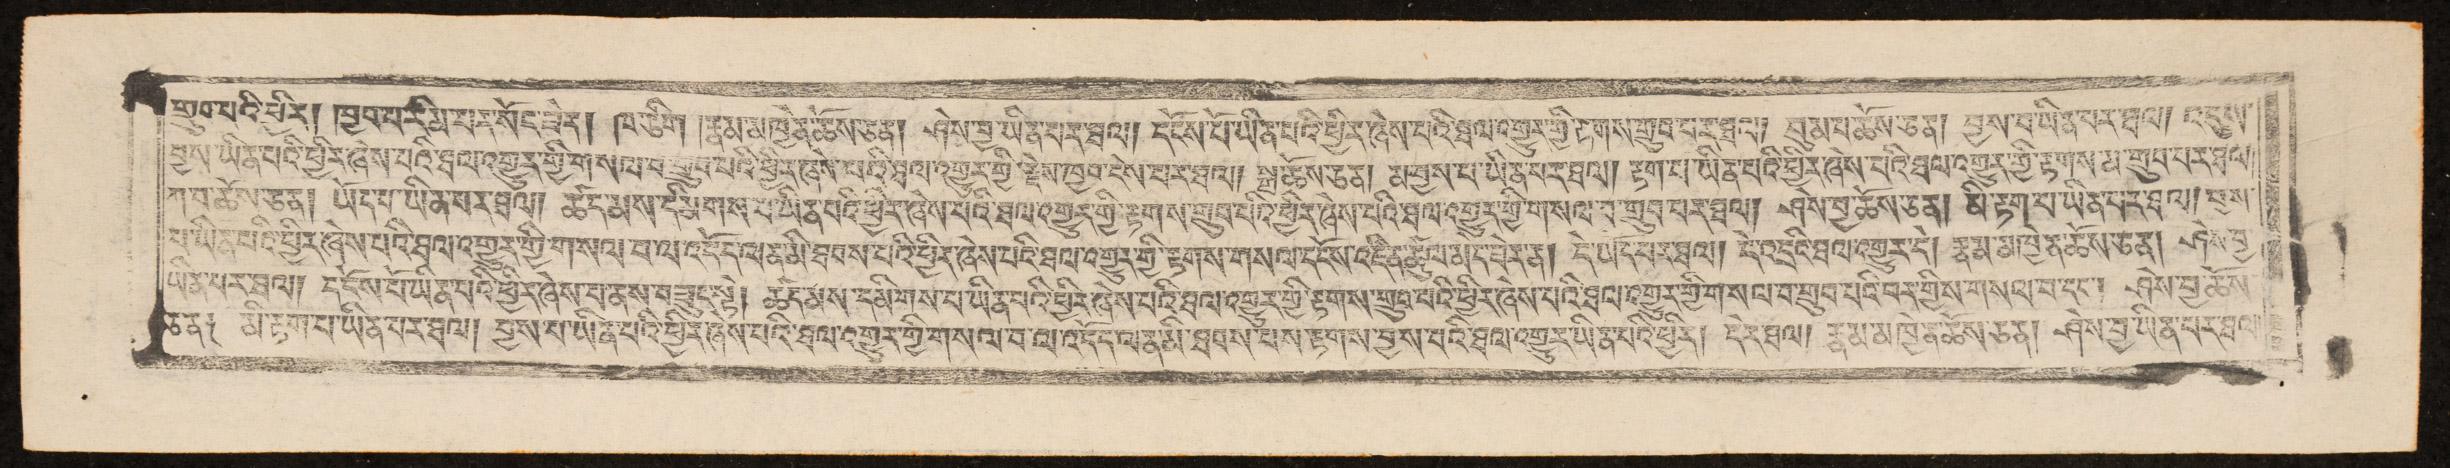གྲུབ་པའི་ཕྱིར། ཁྱབ་པ་རིམ་པར་སོང་ཟེར། ཁ་ཅིག །རྣམ་མཁྱེན་ཆོས་ཅན། ཤེས་བྱ་ཡིན་པར་ཐལ། དངོས་པོ་ཡིན་པའི་ཕྱིར་ཞེས་པའི་ཐལ་འགྱུར་གྱི་རྟགས་གྲུབ་པར་ཐལ། བུམ་པ་ཆོས་ཅན། བྱས་པ་ཡིན་པར་ཐལ། འདུས་
བྱས་ཡིན་པའི་ཕྱིར་ཞེས་པའི་ཐལ་འགྱུར་གྱི་གསལ་བ་གྲུབ་པའི་ཕྱིར་ཞེས་པའི་ཐལ་འགྱུར་གྱི་རྗེས་ཁྱབ་ངེས་པར་ཐལ། སྒྲ་ཆོས་ཅན། མ་བྱས་པ་ཡིན་པར་ཐལ། རྟག་པ་ཡིན་པའི་ཕྱིར་ཞེས་པའི་ཐལ་འགྱུར་གྱི་རྟགས་མ་གྲུབ་པར་ཐལ།
ཀ་བ་ཆོས་ཅན། ཡོད་པ་ཡིན་པར་ཐལ། ཚད་མས་དམིགས་པ་ཡིན་པའི་ཕྱིར་ཞེས་པའི་ཐལ་འགྱུར་གྱི་རྟགས་གྲུབ་པའི་ཕྱིར་ཞེས་པའི་ཐལ་འགྱུར་གྱི་གསལ་བ་གྲུབ་པར་ཐལ། ཤེས་བྱ་ཆོས་ཅན། མི་རྟག་པ་ཡིན་པར་ཐལ། བྱས་
པ་ཡིན་པའི་ཕྱིར་ཞེས་པའི་ཐལ་འགྱུར་གྱི་གསལ་བ་ལ་འདོད་ལན་མི་ཐེབས་པའི་ཕྱིར་ཞེས་པའི་ཐལ་འགྱུར་གྱི་རྟགས་གསལ་དངོས་འཛིན་ཚུལ་མེད་ཟེར་ན། དེ་ཡོད་པར་ཐལ། དེ་འདྲའི་ཐལ་འགྱུར་དེ། རྣམ་མཁྱེན་ཆོས་ཅན། ཤེས་བྱ་
ཡིན་པར་ཐལ། དངོས་པོ་ཡིན་པའི་ཕྱིར་ཞེས་པ་ནས་བཟུང་སྟེ། ཚད་མས་དམིགས་པ་ཡིན་པའི་ཕྱིར་ཞེས་པའི་ཐལ་འགྱུར་གྱི་རྟགས་གྲུབ་པའི་ཕྱིར་ཞེས་པའི་ཐལ་འགྱུར་གྱི་གསལ་བ་གྲུབ་པའི་བར་གྱིས་གསལ་བ་དང་། ཤེས་བྱ་ཆོས་
ཅན། མི་རྟག་པ་ཡིན་པར་ཐལ། བྱས་པ་ཡིན་པའི་ཕྱིར་ཞེས་པའི་ཐལ་འགྱུར་གྱི་གསལ་བ་ལ་འདོད་ལན་མི་ཐེབས་པས་རྟགས་བྱས་པའི་ཐལ་འགྱུར་ཡིན་པའི་ཕྱིར། དེར་ཐལ། རྣམ་མཁྱེན་ཆོས་ཅན། ཤེས་བྱ་ཡིན་པར་ཐལ།